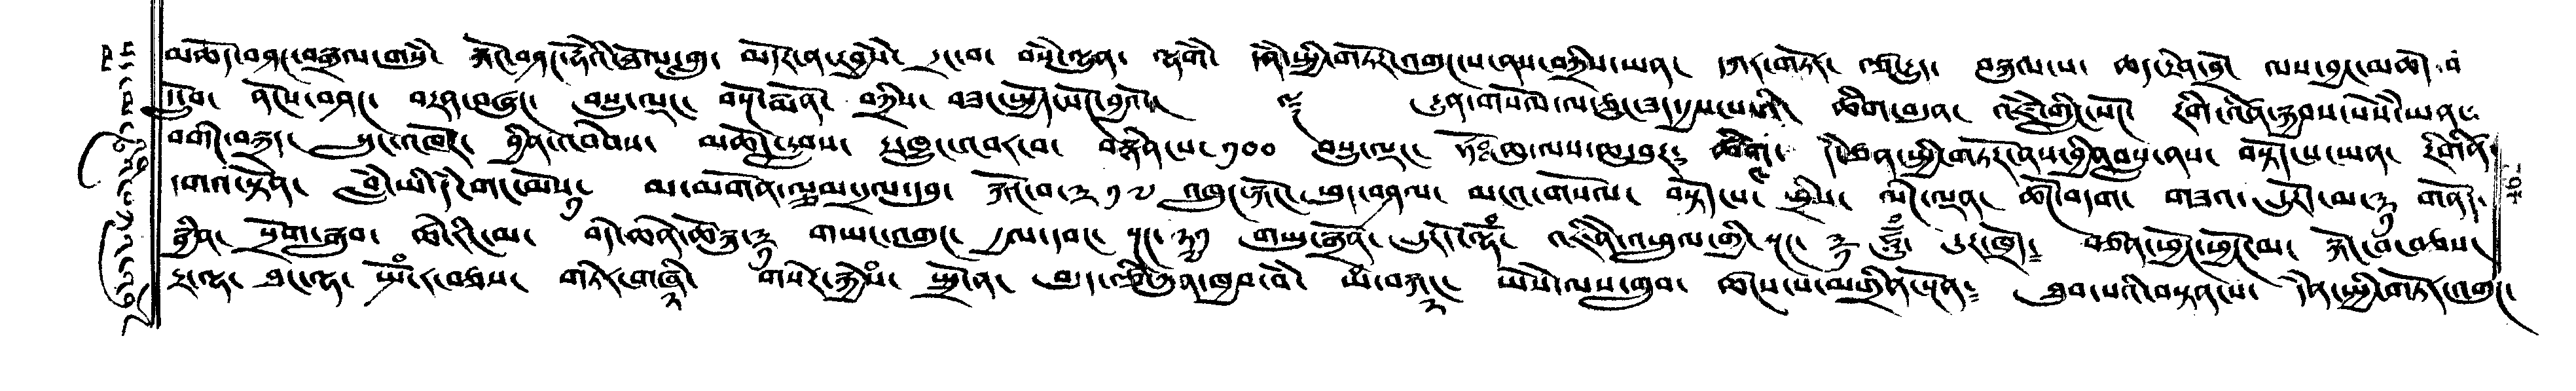མཆོད་བཤགས་བསྒྲལ་གསུམ། སྐོང་བཤགས་རྡོ་རྗེའི་ཐོལ་གླུ། མདོར་ན་རབ་འབྱམས༴ དྲང་བ། བསམ་ལྷུན། ལྷག་མ། དམ་ཅན་སྤྱི་གཏོར་འགུགས་པ་ནས་བཀྲ་ཤིས་ཡན། དཀར་གཏོར། རྩ་རྒྱུད། བསྐུལ་པ། ཆད་བརྟན་བྲོ། ལས་བྱང་མཆོད་བ
སྟོད། དངོས་གྲུབ། ནོངས་བཤགས། བརྟན་བཞུགས། བསྡུ་ལྡང་། བསྔོ་སྨོན། བཀྲ་ཤིས། བཟང་སྤྱོད་སོགས་བྱའོ།། ༈ རྒྱུན་གསོལ་ལ་ཟུང་ཟད་རྒྱས་པའི། ཚིག་བདུན། འཛམ་གླིང༴ སོགས། རིག་འཛིན་སྐྱབས་སེམས་ཡན། 
བགེགས་བསྐྲད། སྲུང་འཁོར། བྱིན་འབེབས། མཆོད་རླབས། རྟ་ཁྱུང་འབར་བ། བསྙེན་པ་བརྒྱ། བསྡུ་ལྡང་། ཧོཿ ཆུ་ལས་ཆུ་བར༴ ཚིག་བཞི། དམ་ཅན་སྤྱི་གཏོར་ནས་བྱིན་རླབས་ནས།བསྟོད་པ་ཡན། རིག་འཛིན་
དགའ་སྟོན། བླ་མ་ཡི་དམ༴ གང་མོས་གཅིག མ་མགོན་ལྕམ་དྲལ་དབུ། སྐོང་བ་གསུམ་བརྒྱ་བཅུ་བདུན། འཁྲུགས་སྐོང་ཕུད་བཤལ། མངའ་གསོལ། བསྟོད་པ། ཕྲིན་ལས། ལེགས་ལྡན། ཚོགས་བདག གཟའ། དུར་ཁྲོད༴ མ་གསུམ། གནོད་
སྦྱིན། སྲོག་སྒྲུབ། ཚེ་རིང་མ། བདེ་ཆེན་ཆོས་སྐུའི༴ གསུམ། གཡང་འགུགས། རྒྱལ་དབང༴ སྔགས་ཉེར་གཅིག གཡུ་སྒྲོན། དུར་ཁྲོད་ལྷ་མོ། འཇིག་རྟེན་འཕྲུལ་གྱི༴ སྔགས་གསུམ། ཧཱུྃཿ དུར་ཁྲོད༴ བཙན། ཕྱོགས་ཕྱོགས༴ མ། སྐོང་བ་བཅས། 
རྟ་ལྷ། ཐང་ལྷ། སྤོམ་ར་བཅས། གཏེར་གཞི་གཉིས། གསེར་སྐྱེམས། སྤྲོ་ན། བདུད་རྩི་ཀུན་ཁྱབ་བམ། ཡཾ་བསྐང་གཉིས། ཡེ་ཤེས་ལས་གྲུབ༴ ཚངས་པ་མགྲིན་སྔོན༴ ཐུབ་པའི་བསྟན་པ༴ དམ་ཅན་སྤྱི་གཏོར་འགུགས་